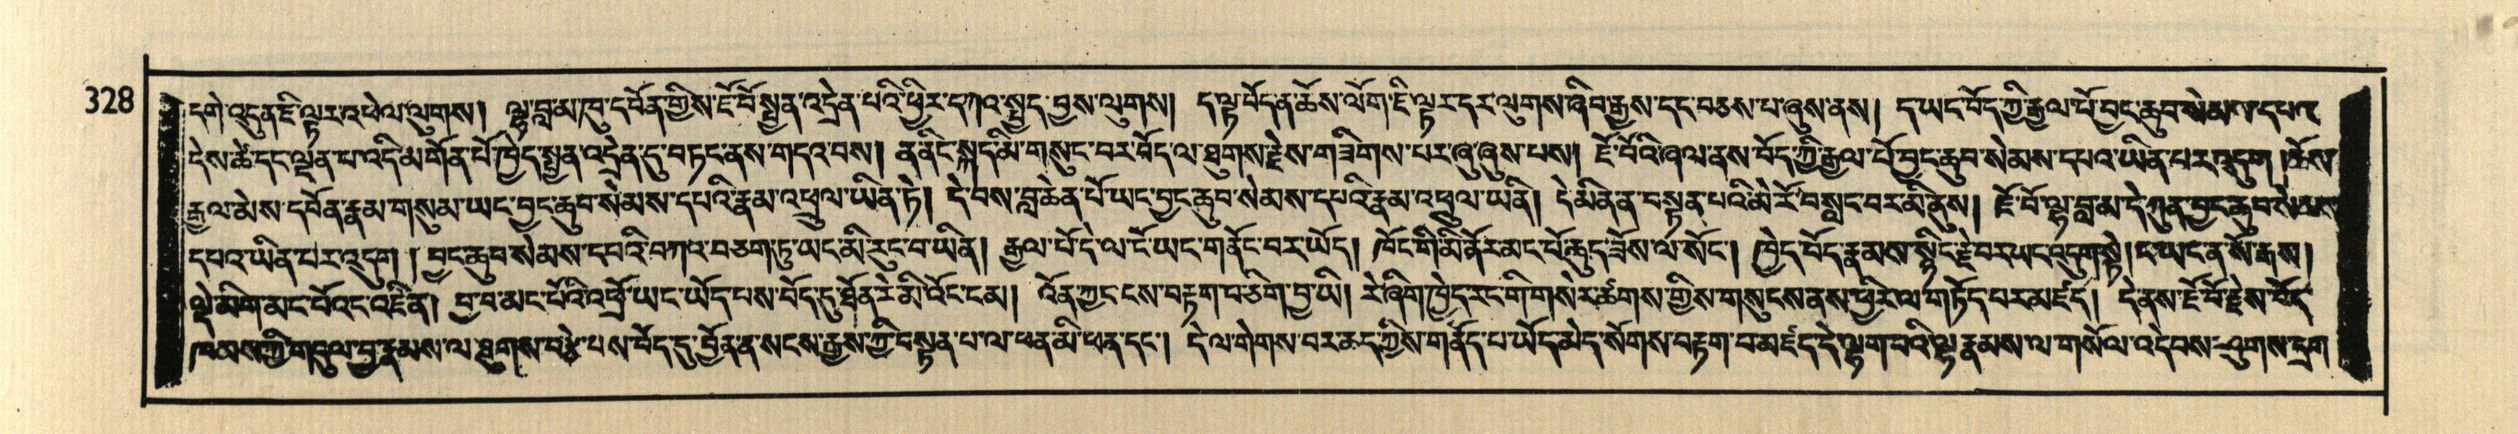དགེ་འདུན་ཇི་ལྟར་འཕེལ་ལུགས། ལྷ་བླ་མ་ཁུ་དབོན་གྱིས་ཇོ་བོ་སྤྱན་འདྲེན་པའི་ཕྱིར་དཀའ་སྤྱད་བྱས་ལུགས། ད་ལྟ་བོད་ན་ཆོས་ལོག་ཇི་ལྟར་དར་ལུགས་ཞིབ་རྒྱས་དང་བཅས་པ་ཞུས་ནས། ད་ཡང་བོད་ཀྱི་རྒྱལ་པོ་བྱང་ཆུབ་སེམས་དཔའ་
དེས་ཚེ་དང་ལྡན་པ་འདི་མགོན་པོ་ཁྱེད་སྤྱན་འདྲེན་དུ་བཏང་ནས་གདའ་བས། ན་ནིང་སྐད་མི་གསུང་བར་བོད་ལ་ཐུགས་རྗེས་གཟིགས་པར་ཞུ་ཞུས་པས། ཇོ་བོའི་ཞལ་ནས་བོད་ཀྱི་རྒྱལ་པོ་བྱང་ཆུབ་སེམས་དཔའ་ཡིན་པར་འདུག །ཆོས་
རྒྱལ་མེས་དབོན་རྣམ་གསུམ་ཡང་བྱང་ཆུབ་སེམས་དཔའི་རྣམ་འཕྲུལ་ཡིན་ཏེ། དེ་བས་བླ་ཆེན་པོ་ཡང་བྱང་ཆུབ་སེམས་དཔའི་རྣམ་འཕྲུལ་ཡིན། དེ་མིན་ན་བསྟན་པའི་མེ་རོ་བསླང་བར་མི་ནུས། ཇོ་བོ་ལྷ་བླ་མ་དེ་ཀུན་བྱང་ཆུབ་སེམས་
དཔའ་ཡིན་པར་འདུག། བྱང་ཆུབ་སེམས་དཔའི་བཀའ་བཅག་ཏུ་ཡང་མི་རུང་བ་ཡིན། རྒྱལ་པོ་དེ་ལ་ངོ་ཡང་གནོང་བར་ཡོད། ཁོང་གི་མི་ནོར་མང་པོ་ཆུད་ཟོས་ལ་སོང་། ཁྱེད་བོད་རྣམས་སྙིང་རྗེ་བར་ཡང་འདུག་སྟེ། ང་ཡང་ན་སོ་རྒས།
ལྡེ་མིག་མང་པོའང་འཛིན། བྱ་བ་མང་པོའི་འཕྲོ་ཡང་ཡོད་པས་བོད་དུ་ཐོན་རེ་མི་འོང་ངམ། འོན་ཀྱང་ངས་བརྟག་བ་ཅིག་བྱ་ཡི། རེ་ཞིག་ཁྱེད་རང་གི་གསེར་ཚགས་གྱིས་གསུངས་ནས་ཕྱིར་ལ་གཏོད་པར་མཛད། དེ་ནས་ཇོ་བོ་རྗེས་བོད་
ཁམས་ཀྱི་གདུལ་བྱ་རྣམས་ལ་ཐུགས་བརྩེ་པས་བོད་དུ་བྱོན་ན་སངས་རྒྱས་ཀྱི་བསྟན་པ་ལ་ཕན་མི་ཕན་དང་། དེ་ལ་གེགས་བར་ཆད་ཀྱིས་གནོད་པ་ཡོད་མེད་སོགས་བརྟག་བ་མཛད་དེ་ལྷག་བའི་ལྷ་རྣམས་ལ་གསོལ་འདེབས་ཤུགས་དྲག་